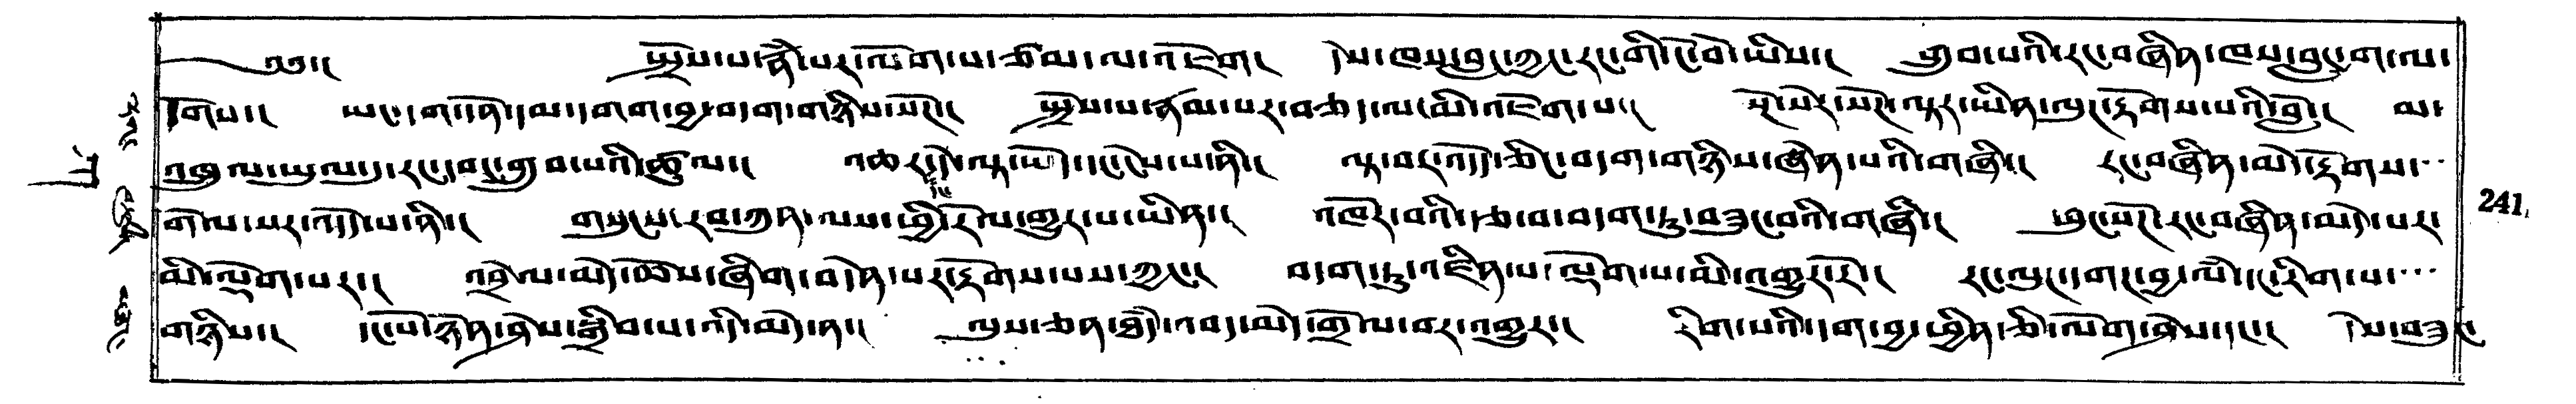།སྤྲོས་པ་རྣམ་པར་ལོག་པ་ཙམ་ལ་འཇོག །དེས་ཁས་བླངས་ཀྱང་རང་གི་ངོ་བོ་ཡིས། །གྲུབ་པའི་རང་བཞིན་ཁས་བླང་ག་ལ་
དགོས། །ཡང་དག་དོན་དམ་དགག་བྱ་བདག་གཉིས་སོགས། །སྤྲོས་པ་རྣམ་པར་བཅད་ལ་མི་འཇོག་པ། །སྔོ་སེར་སོགས་ལྟར་ཡིན་ལུགས་རྟོགས་པའི་བློ། །མ་
འཁྲུལ་ཡུལ་དུ་རང་དབང་གྲུབ་པའི་ཚུལ། །འཆར་དང་དེ་ལྟར་ཡོད་དང་ངེས་པ་ནི། །ལྟ་བར་འདོད་ཅིང་བདག་གཉིས་ཞེན་པའི་གཞི། །རང་བཞིན་མེད་རྟོགས་
གོལ་སར་འདོད་པ་ནི། །གསུང་རབ་ཀུན་ལས་ཕྱི་རོལ་གྱུར་པ་ཡིན། །འཁོར་བའི་རྩ་བ་བདག་ཏུ་བཟུང་བའི་གཞི། །ཕུང་སོགས་རང་བཞིན་མེད་པར་
མི་ལྡོག་པར། །འབྲེལ་མེད་ཆོས་ཞིག་བདེན་པར་རྟོགས་པས་ཀྱང་། །བདག་ཏུ་འཛིན་པ་ལྡོག་པ་མི་འགྱུར་རོ། །རང་ལུགས་དགག་བྱ་ལམ་དང་རིགས་པ་
གཉིས། །དང་པོ་ཉོན་ཤེས་སྒྲིབ་པ་འདི་མེད་ན། །ལུས་ཅན་ཐམས་ཅད་འབད་མེད་གྲོལ་བར་འགྱུར། །རིགས་པའི་དགག་བྱ་ཕྱིན་ཅི་ལོག་ཤེས་དང་། །དེས་བཟུང་